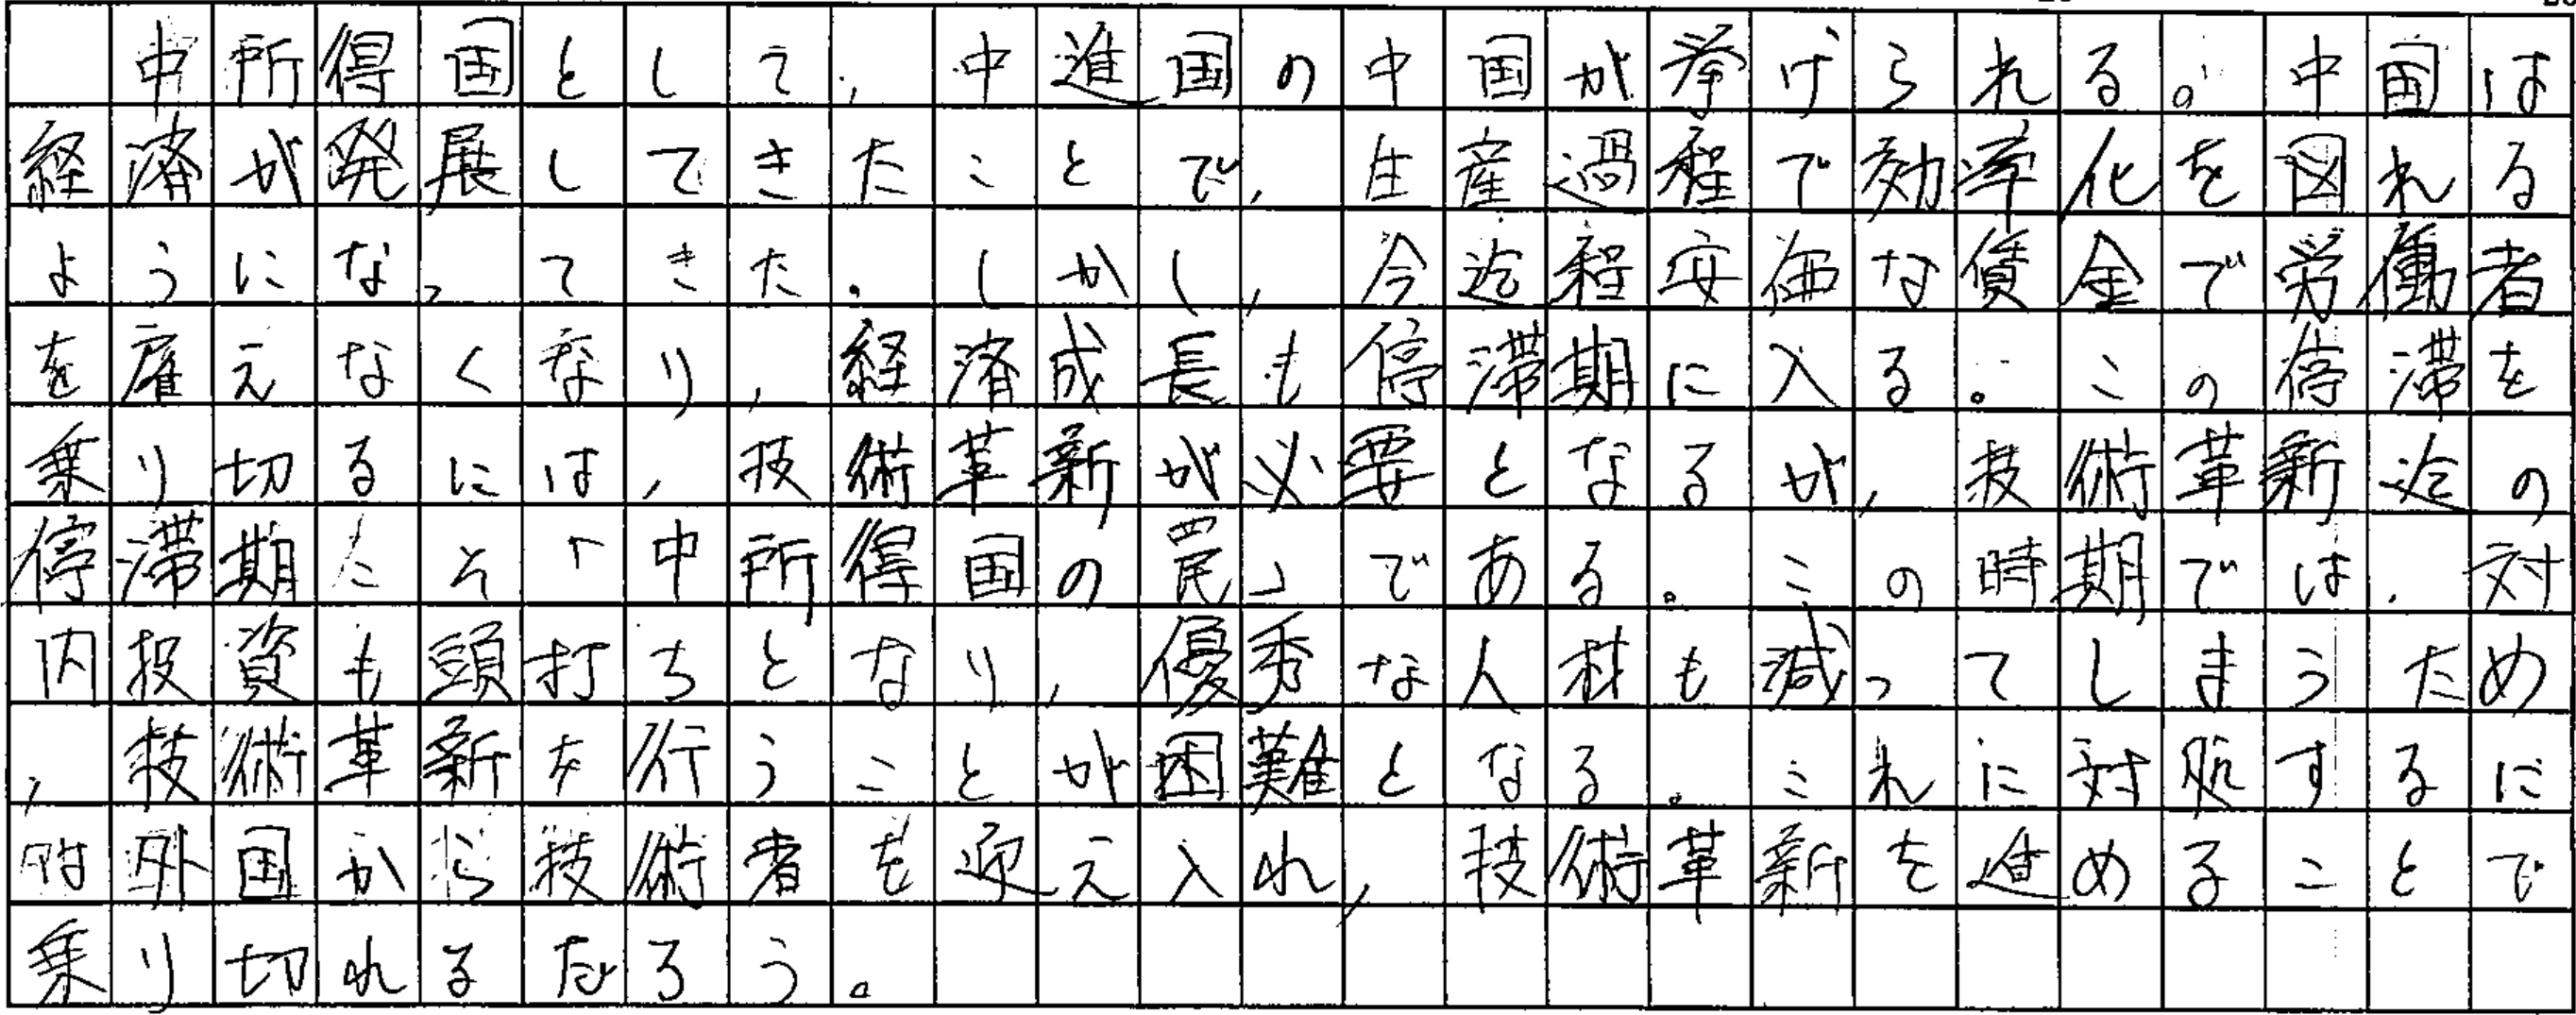　中所得国として，中進国の中国が挙げられる。中国は経済が発展してきたことで，生産過程で効率化を図れるようになってきた。しかし，今迄程安価な賃金で労働者を雇えなくなり，経済成長も停滞期に入る。この停滞を乗り切るには，技術革新が必要となるが，技術革新迄の停滞期こそ「中所得国の罠」である。この時期では，対内投資も頭打ちとなり，優秀な人材も減ってしまうため，技術革新を行うことが困難となる。これに対処するには外国から技術者を迎え入れ，技術革新を進めることで乗り切れるだろう。
